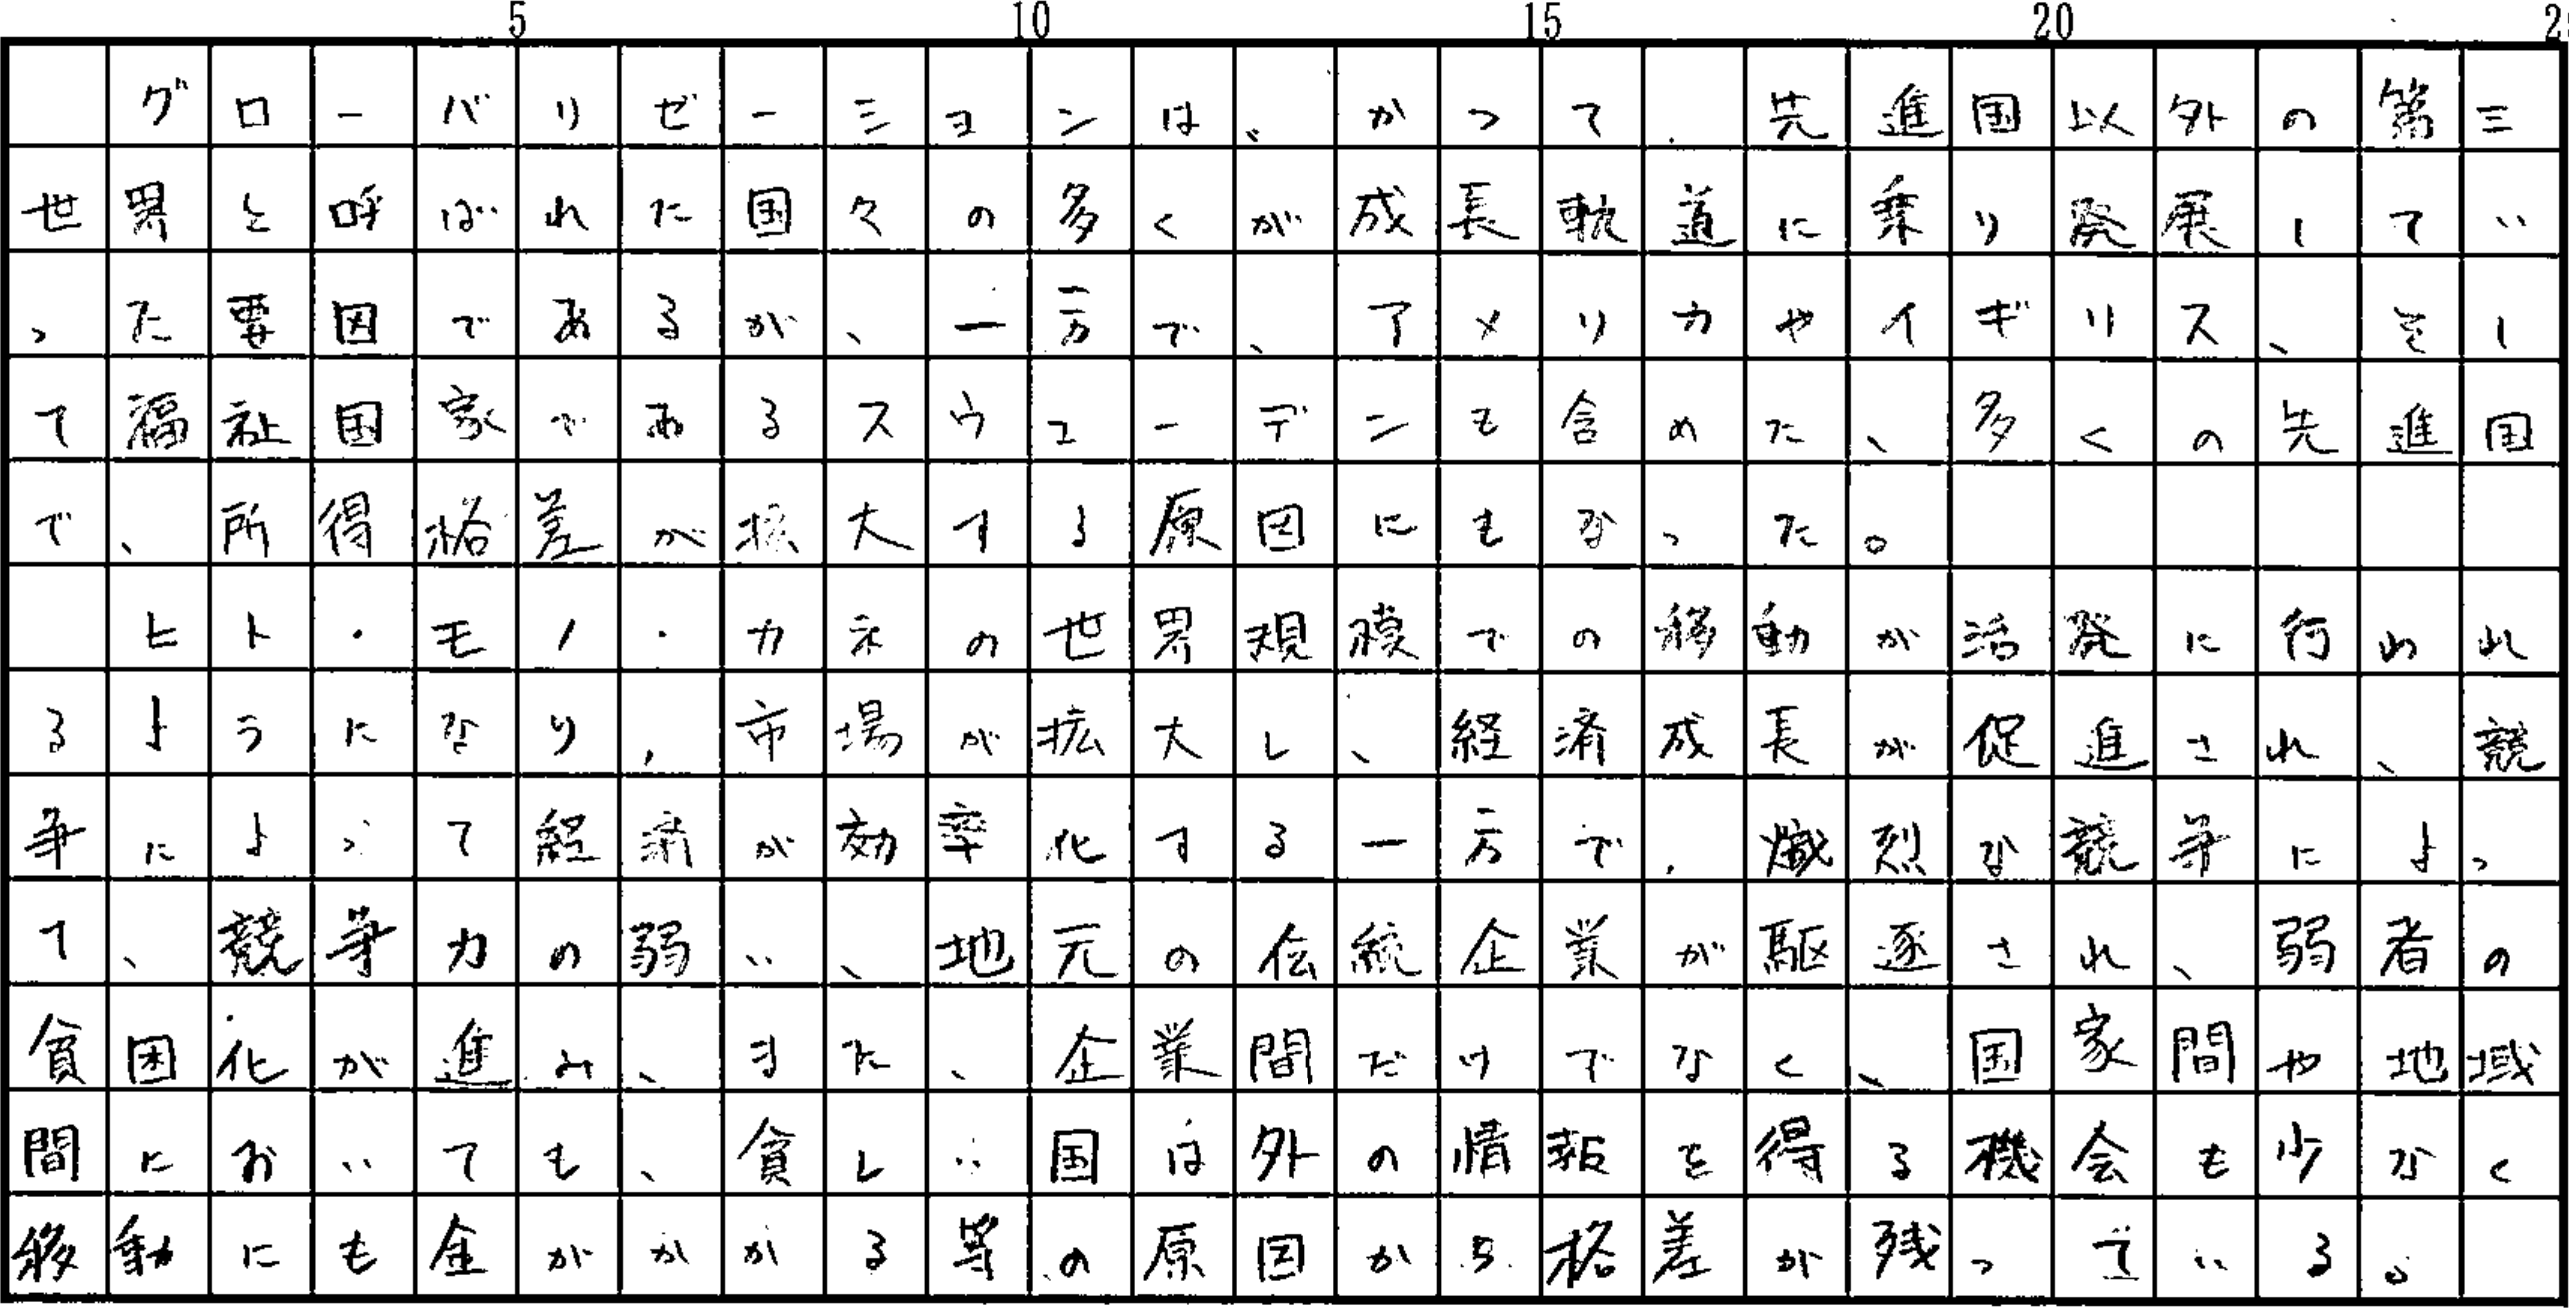　グローバリゼーションは、かつて、先進国以外の第三世界と呼ばれた国々の多くが成長軌道に乗り発展していった要因であるが、一方で、アメリカやイギリス、そして福祉国家であるスウェーデンも含めた、多くの先進国で、所得格差が拡大する原因にもなった。
　ヒト・モノ・カネの世界規模での移動が活発に行われるようになり、市場が拡大し、経済成長が促進され、競争によって経済が効率化する一方で、熾烈な競争によって、競争力の弱い、地元の伝統企業が駆逐され、弱者の貧困化が進み、また、企業間だけでなく、国家間や地域間においても、貧しい国は外の情報を得る機会も少なく移動にも金がかかる等の原因から格差が残っている。
